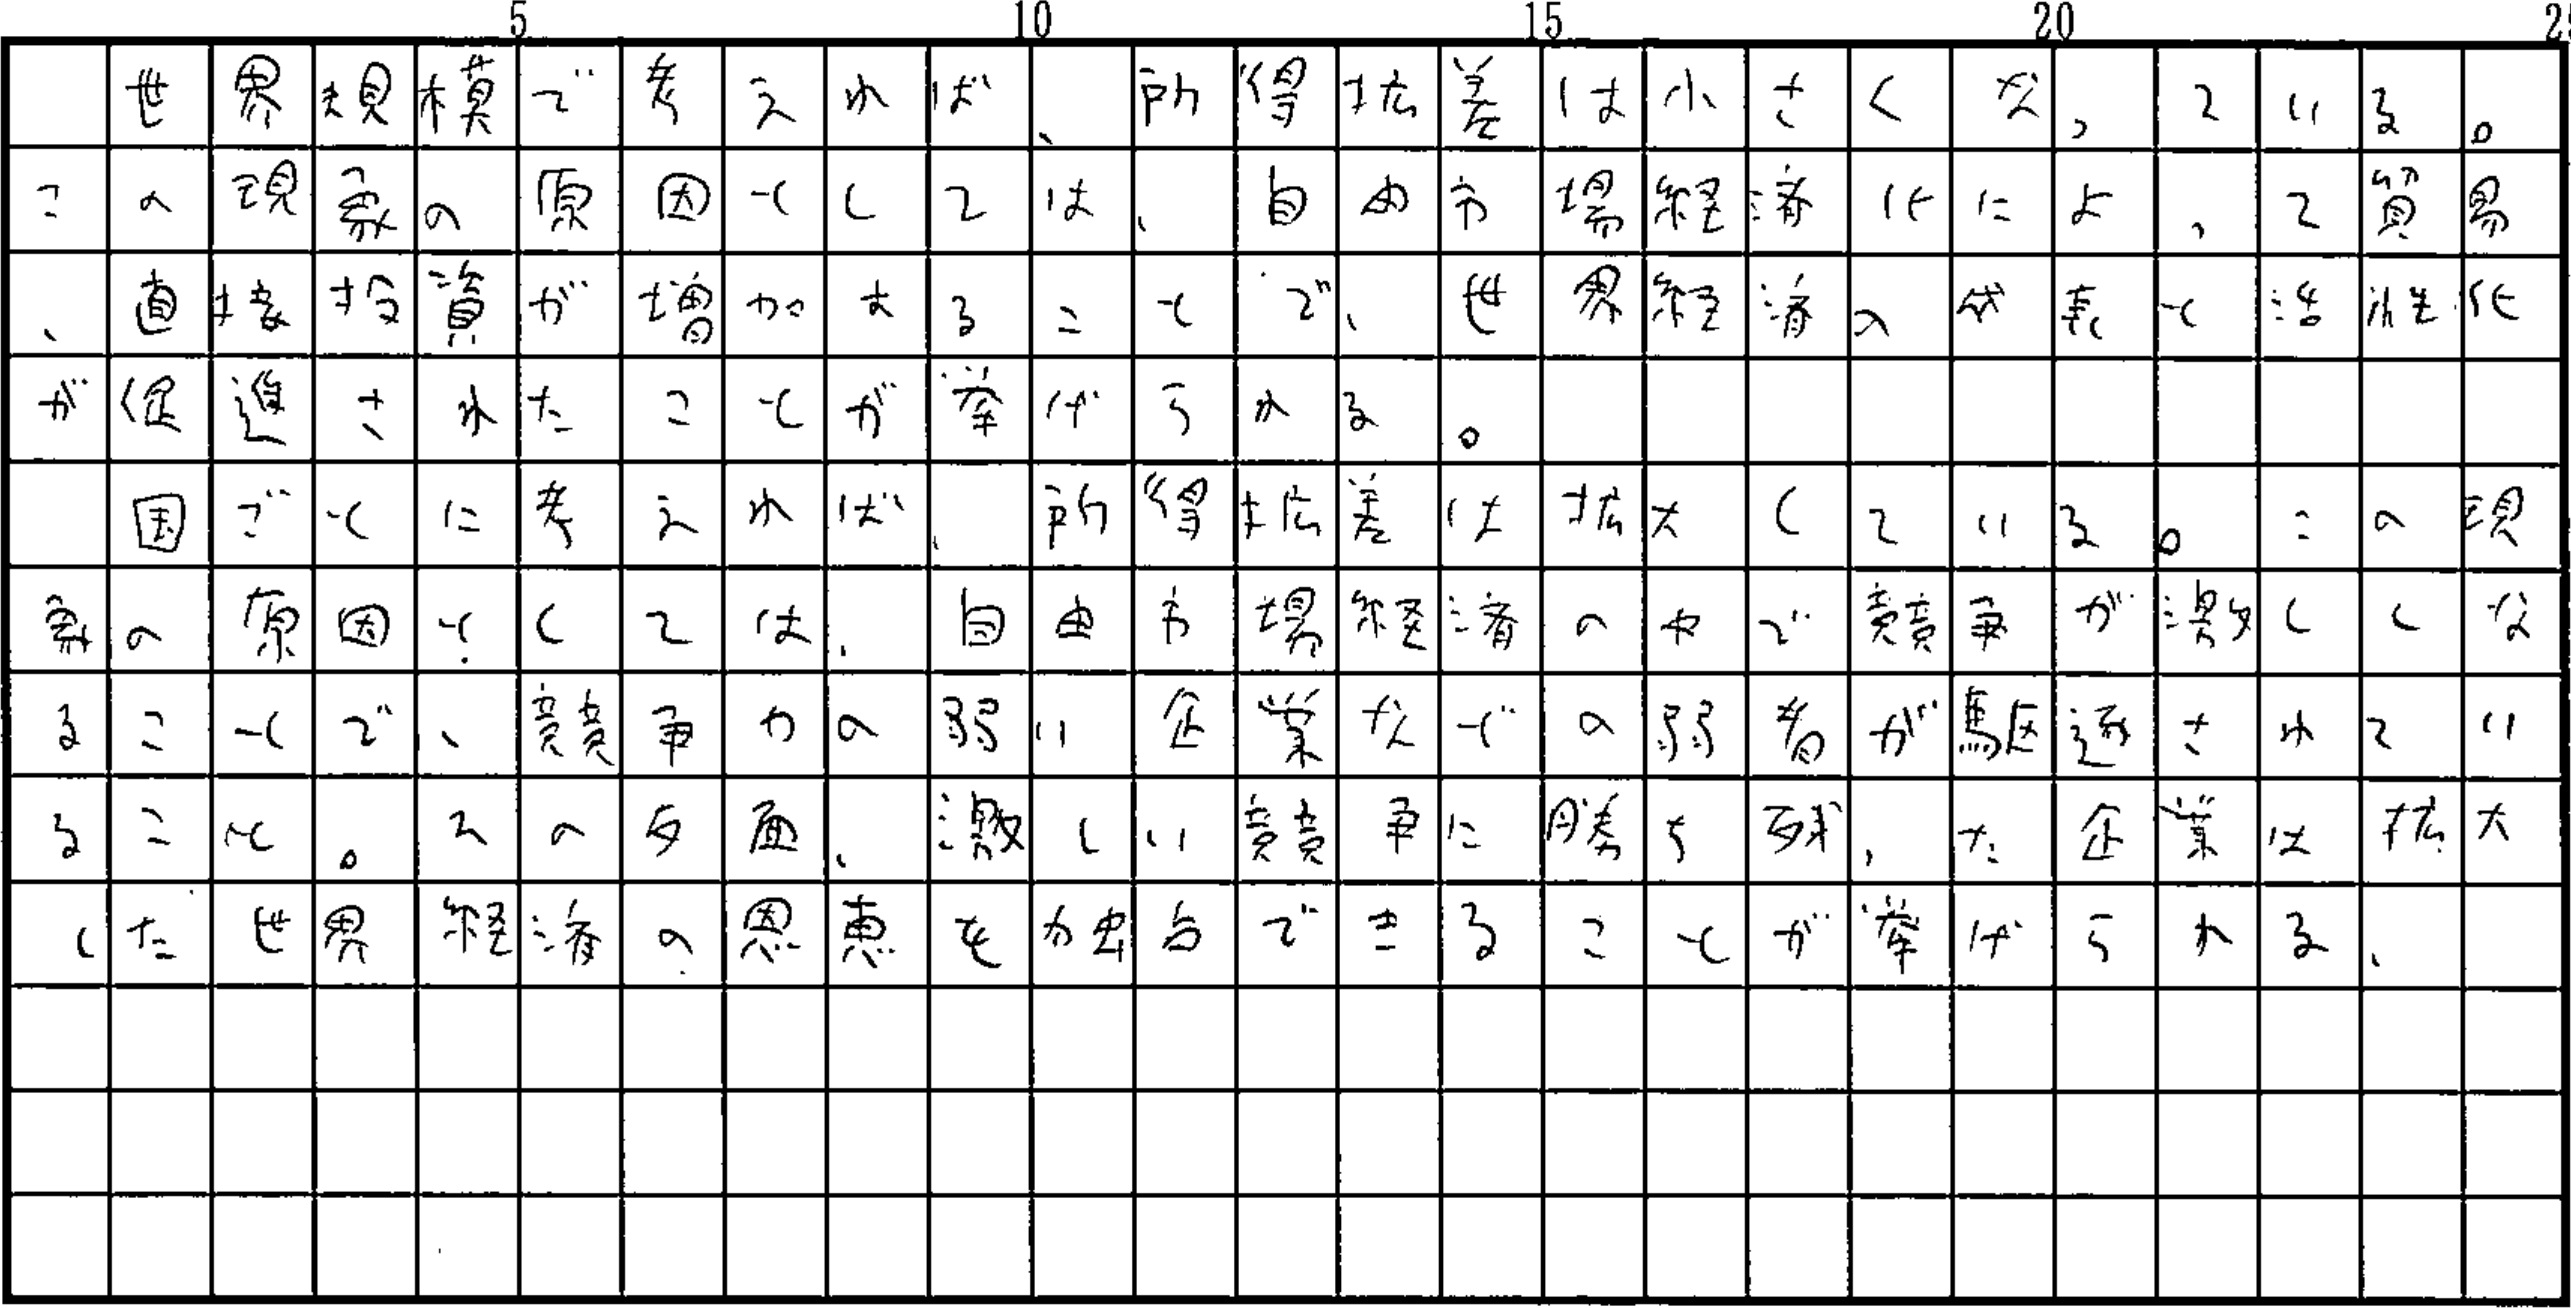　世界規模で考えれば、所得拡差は小さくなっている。この現象の原因としては、自由市場経済化によって貿易、直接投資が増加することで、世界経済の成長と活性化が促進されたことが挙げられる。
　国ごとに考えれば、所得拡差は拡大している。この現象の原因としては、自由市場経済の中で競争が激しくなることで、競争力の弱い企業などの弱者が駆逐されていること。その反面、激しい競争に勝ち残った企業は拡大した世界経済の恩恵を独占できることが挙げられる。
